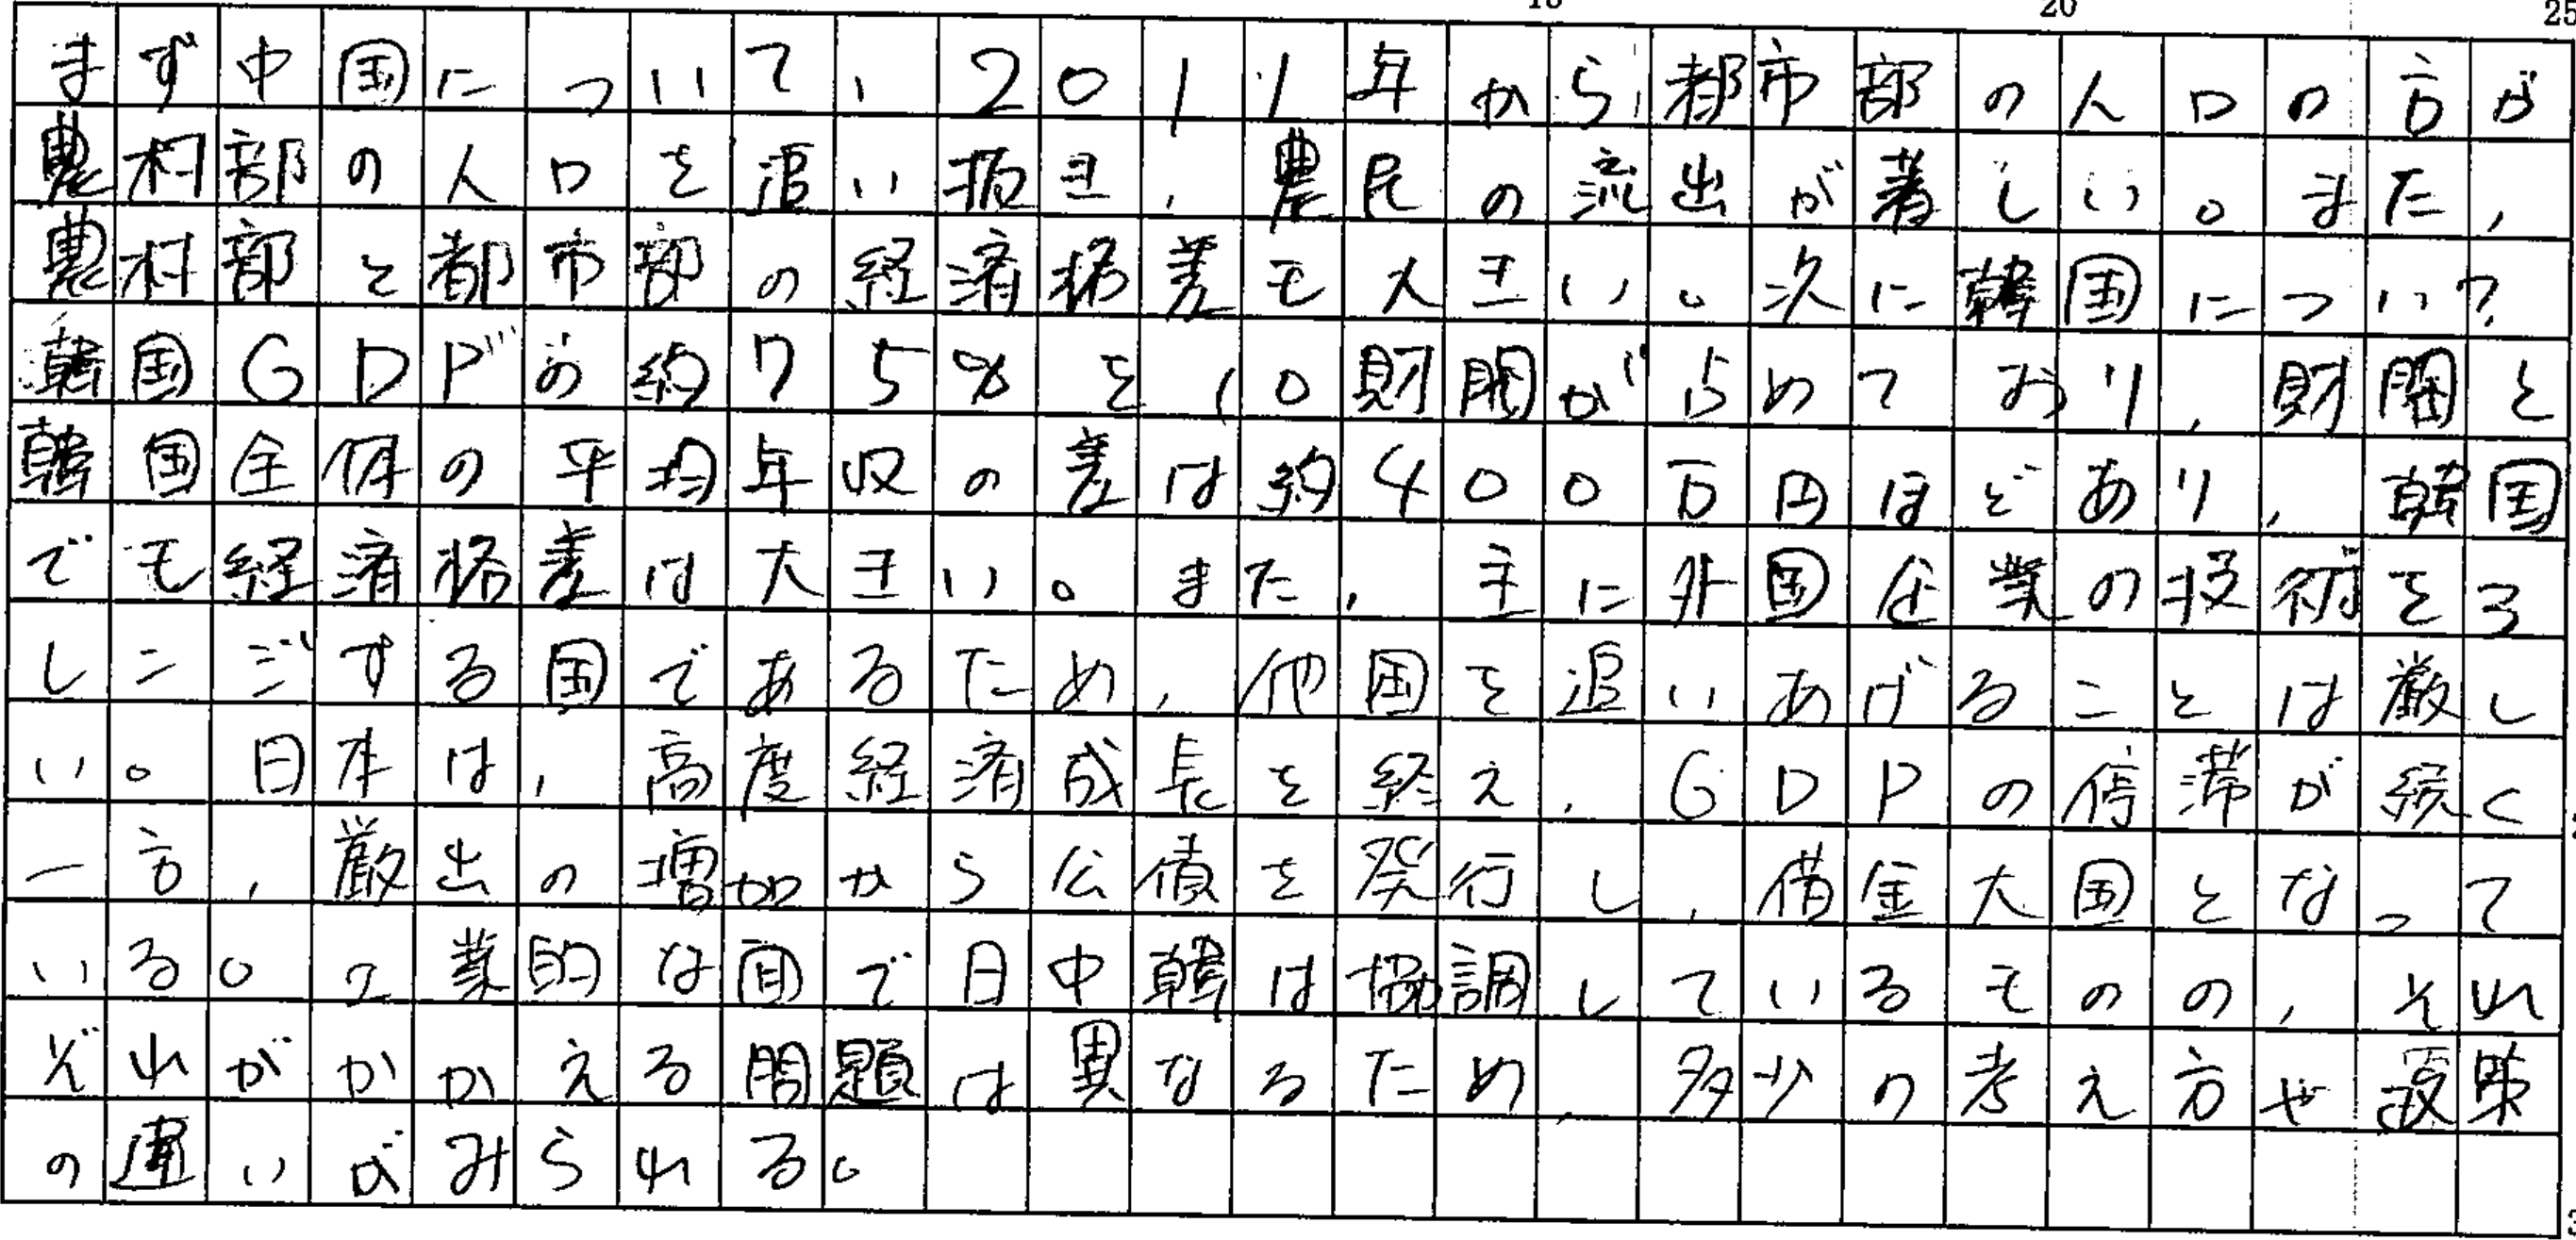まず中国について、２０１１年から都市部の人口の方が農村部の人口を追い抜き，農民の流出が著しい。また，農村部と都市部の経済格差も大きい。次に韓国について韓国ＧＤＰの約７５％を１０財▁が占めており，財▁と韓国全体の平均年収の差は約４００万円ほどあり，韓国でも経済格差は大きい。また，主に外国企業の技術をアレンジする国であるため，他国を追いあげることは厳しい。日本は，高度経済成長を終え，ＧＤＰの停滞が続く一方，厳出の増加から公債を発行し，借金大国となっている。工業的な面で日中韓は協調しているものの，それぞれがかかえる問題は異なるため，多少の考え方や政策の違いがみられる。
